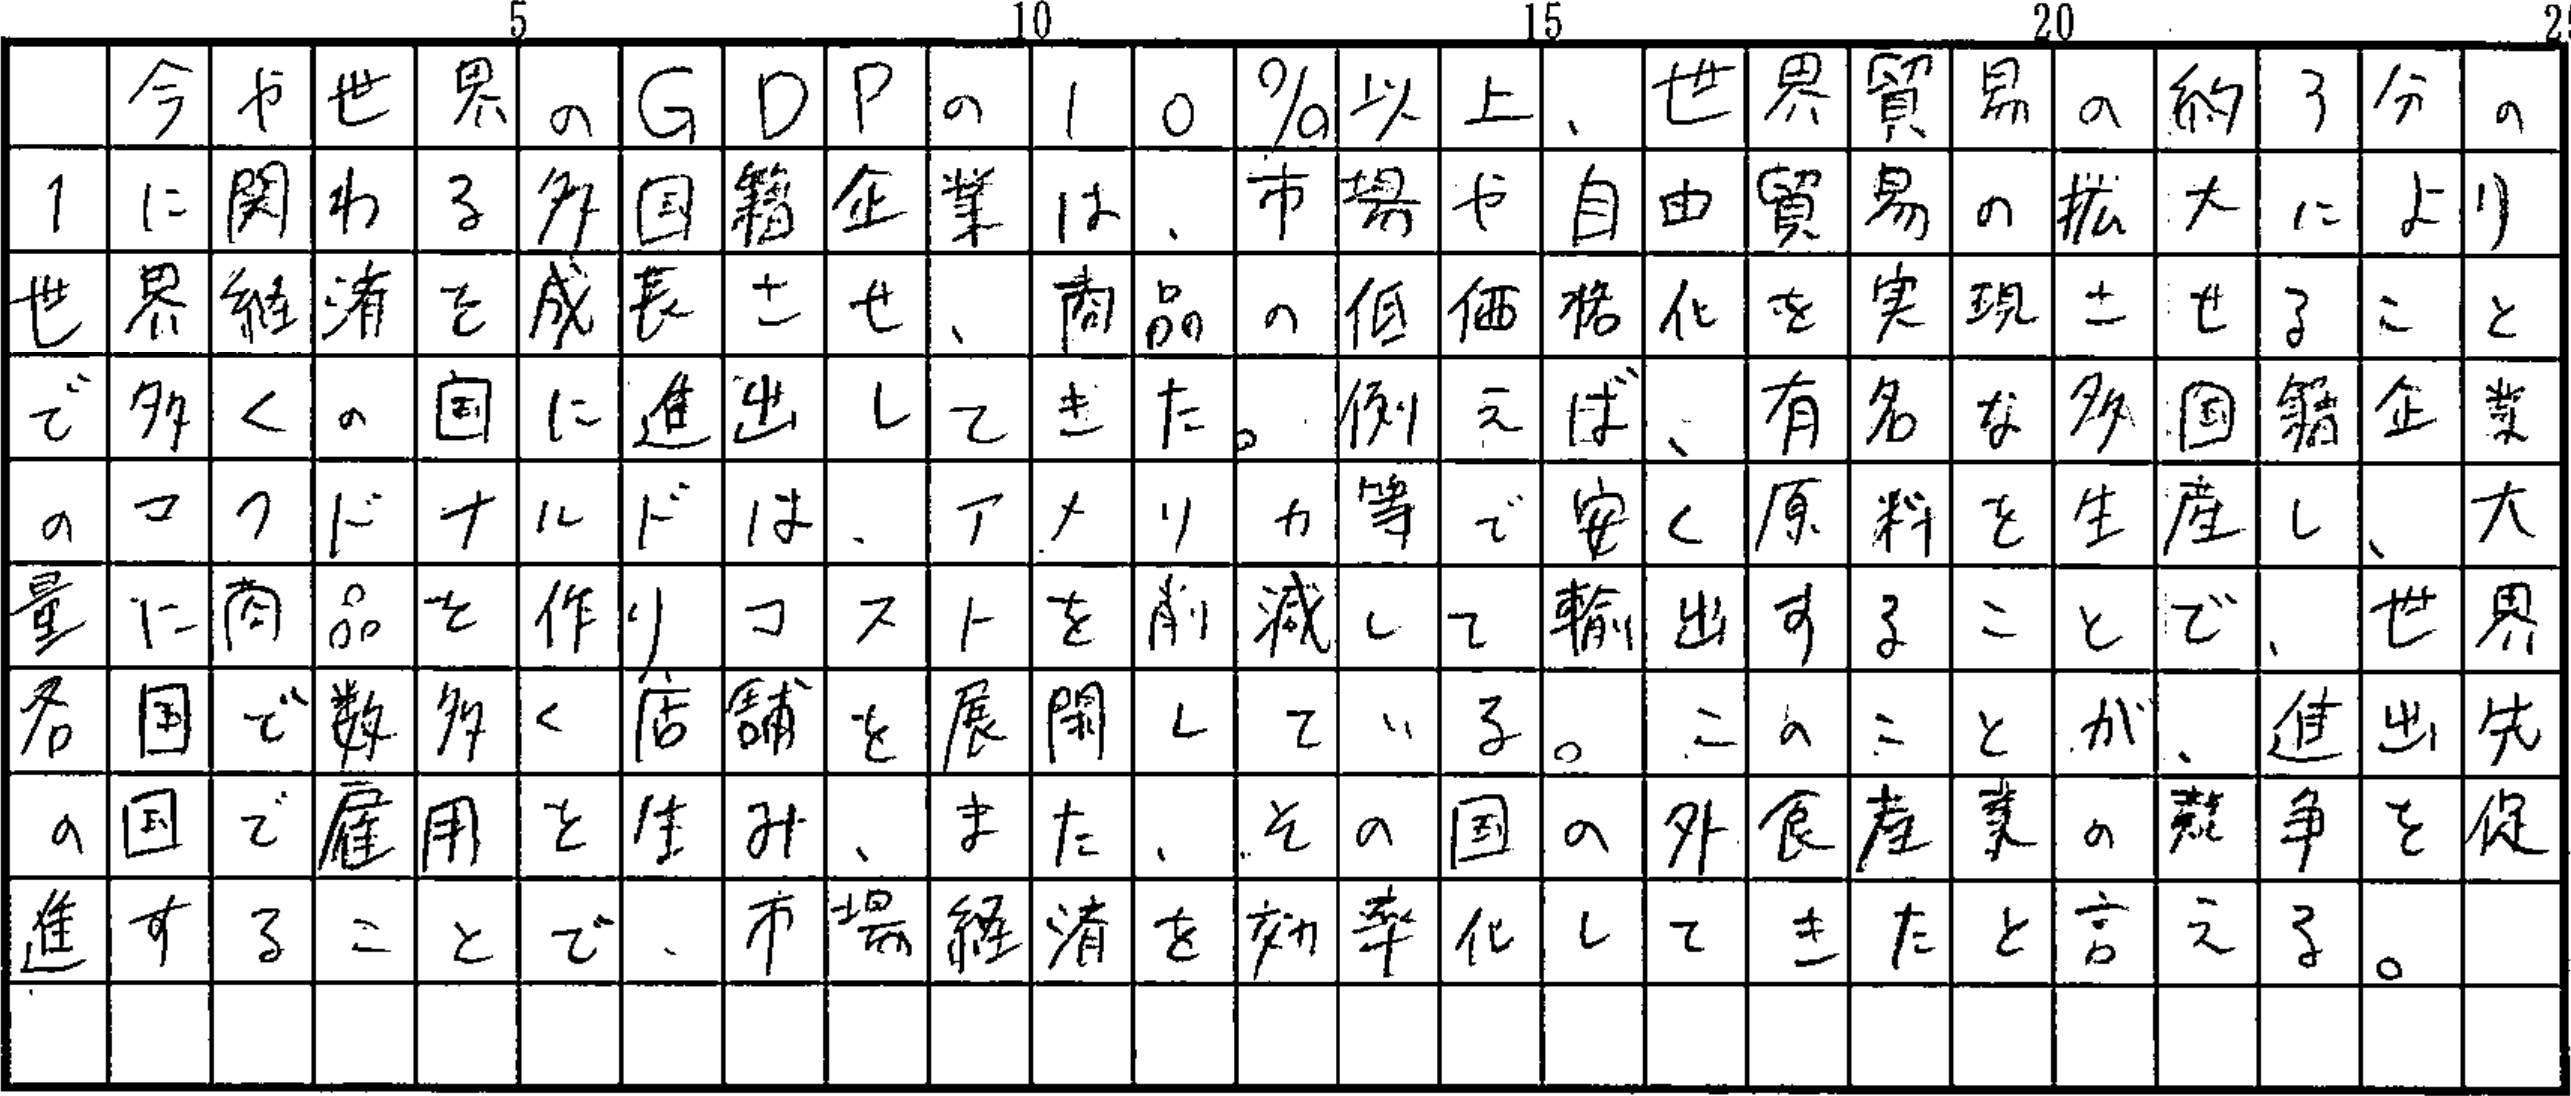  今や世界のＧＤＰの１０％以上、世界貿易の約３分の１に関わる多国籍企業は、市場や自由貿易の拡大により世界経済を成長させ、商品の低価格化を実現させることで多くの国に進出してきた。例えば、有名な多国籍企業のマクドナルドは、アメリカ等で安く原料を生産し、大量に商品を作りコストを削減して輸出することで、世界各国で数多く店舗を展開している。このことが、進出先の国で雇用を生み、また、その国の外食産業の競争を促進することで、市場経済を効率化してきたと言える。
